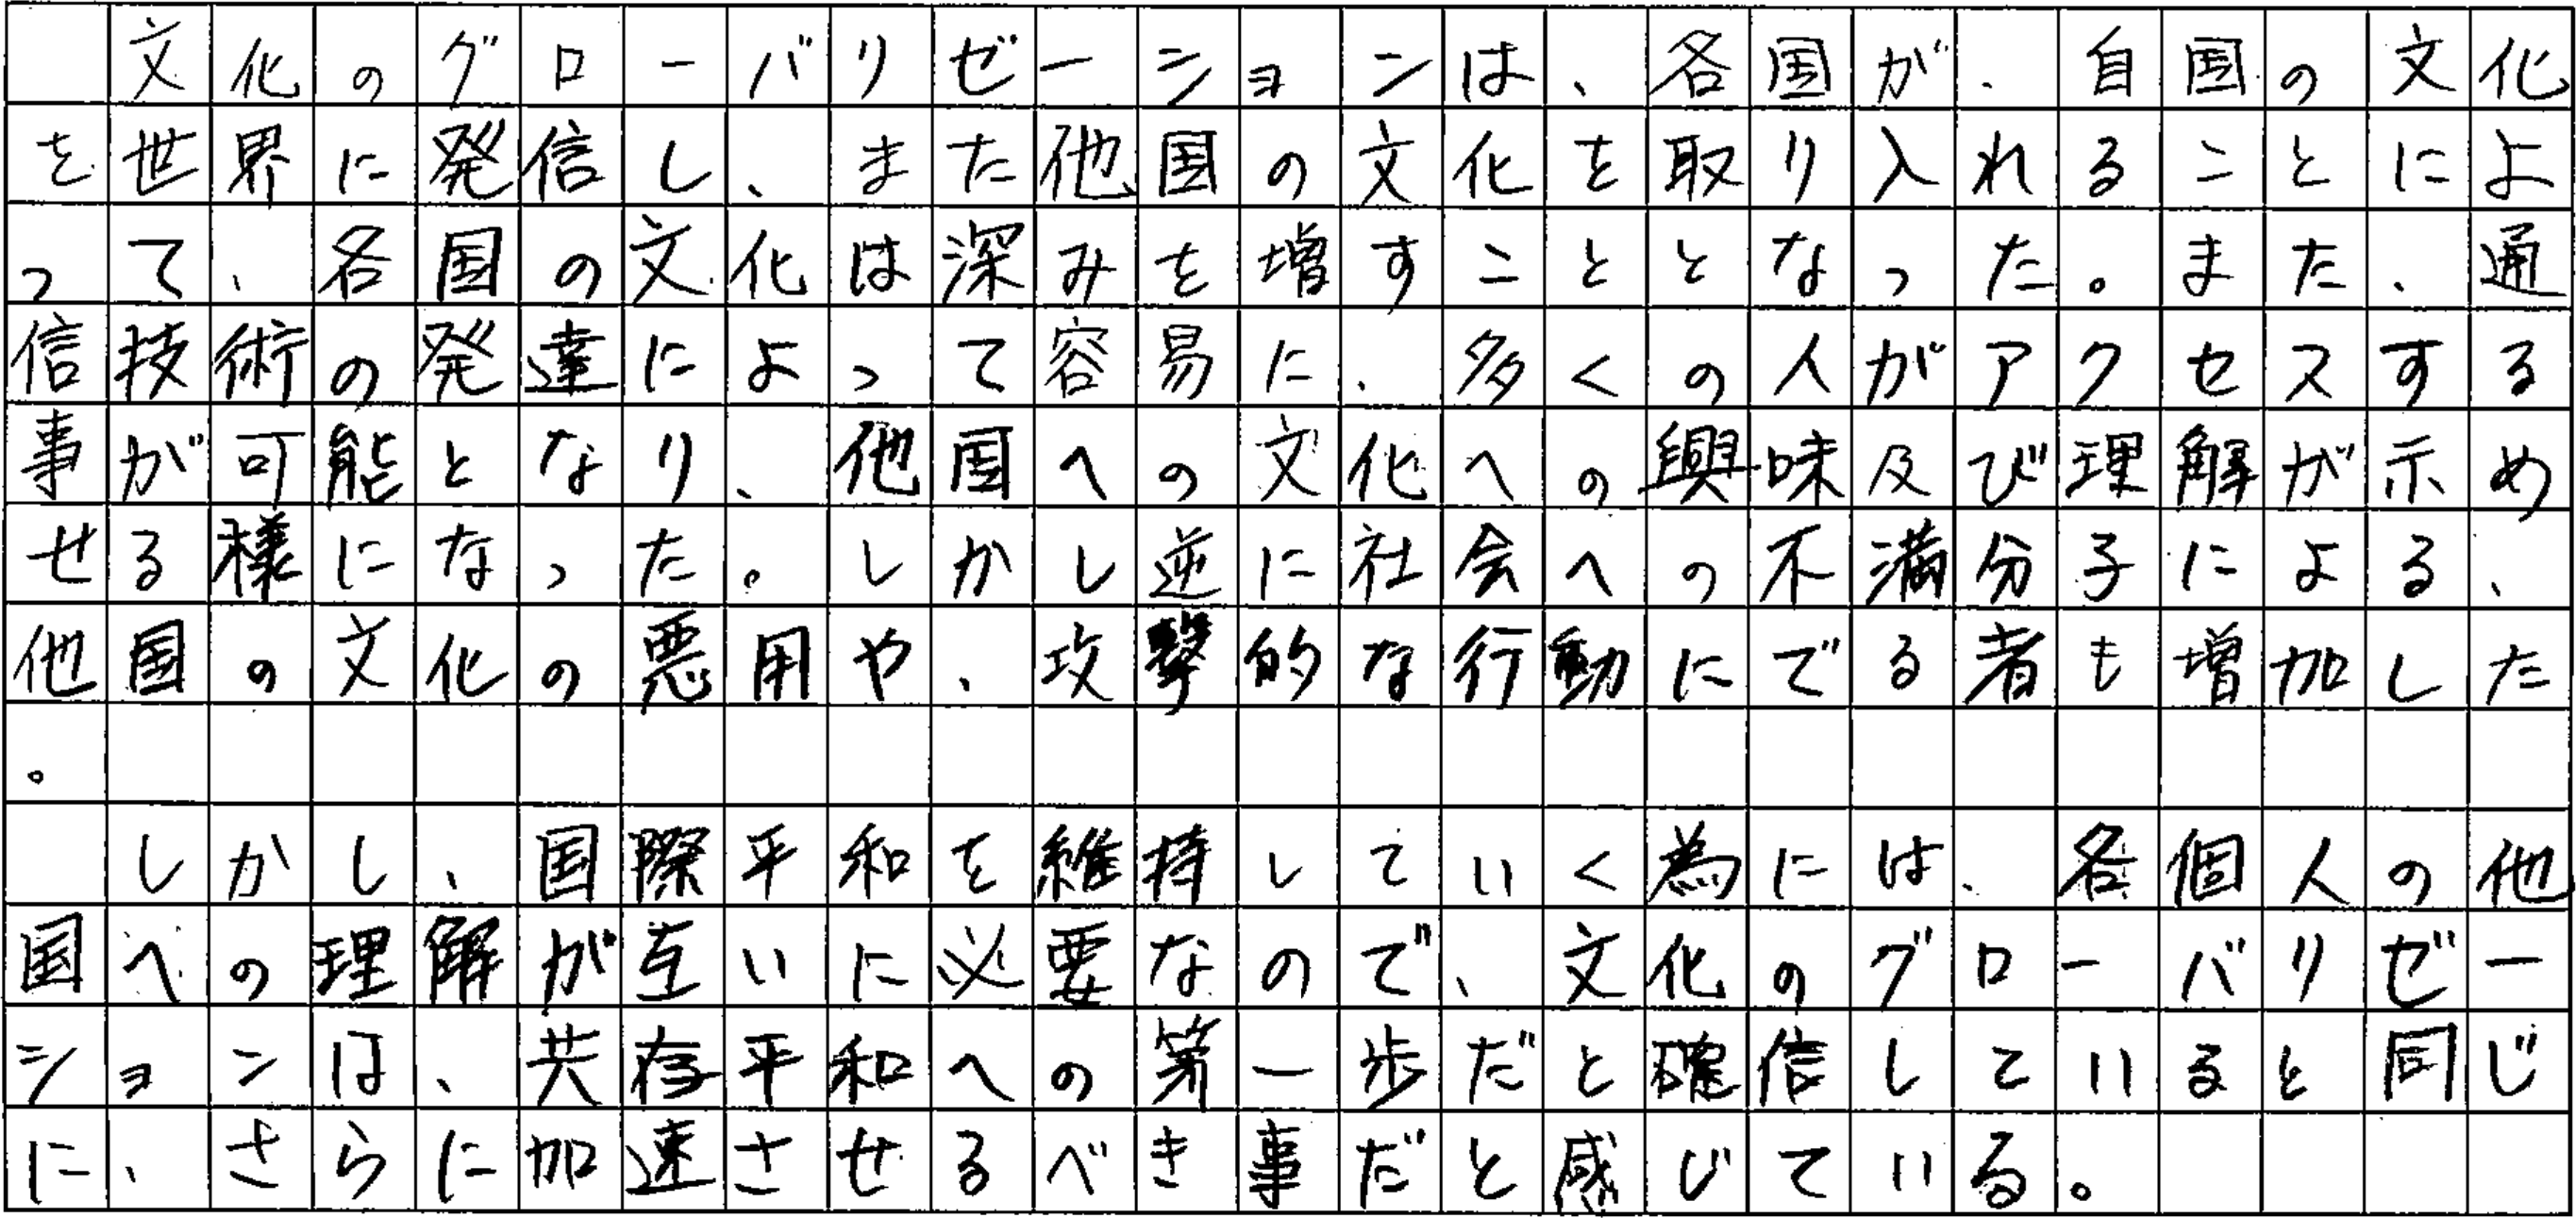　文化のグローバリゼーションは、各国が、自国の文化を世界に発信し、また他国の文化を取り入れることによって、各国の文化は深みを増すこととなった。また、通信技術の発達によって容易に、多くの人がアクセスする事が可能となり、他国への文化への興味及び理解が示めせる様になった。しかし逆に社会への不満分子による、他国の文化の悪用や、攻撃的な行動にでる者も増加した。
　しかし、国際平和を維持していく為には、各個人の他国への理解が互いに必要なので、文化のグローバリゼーションは、共存平和への第一歩だと確信していると同じに、さらに加速させるべき事だと感じている。
